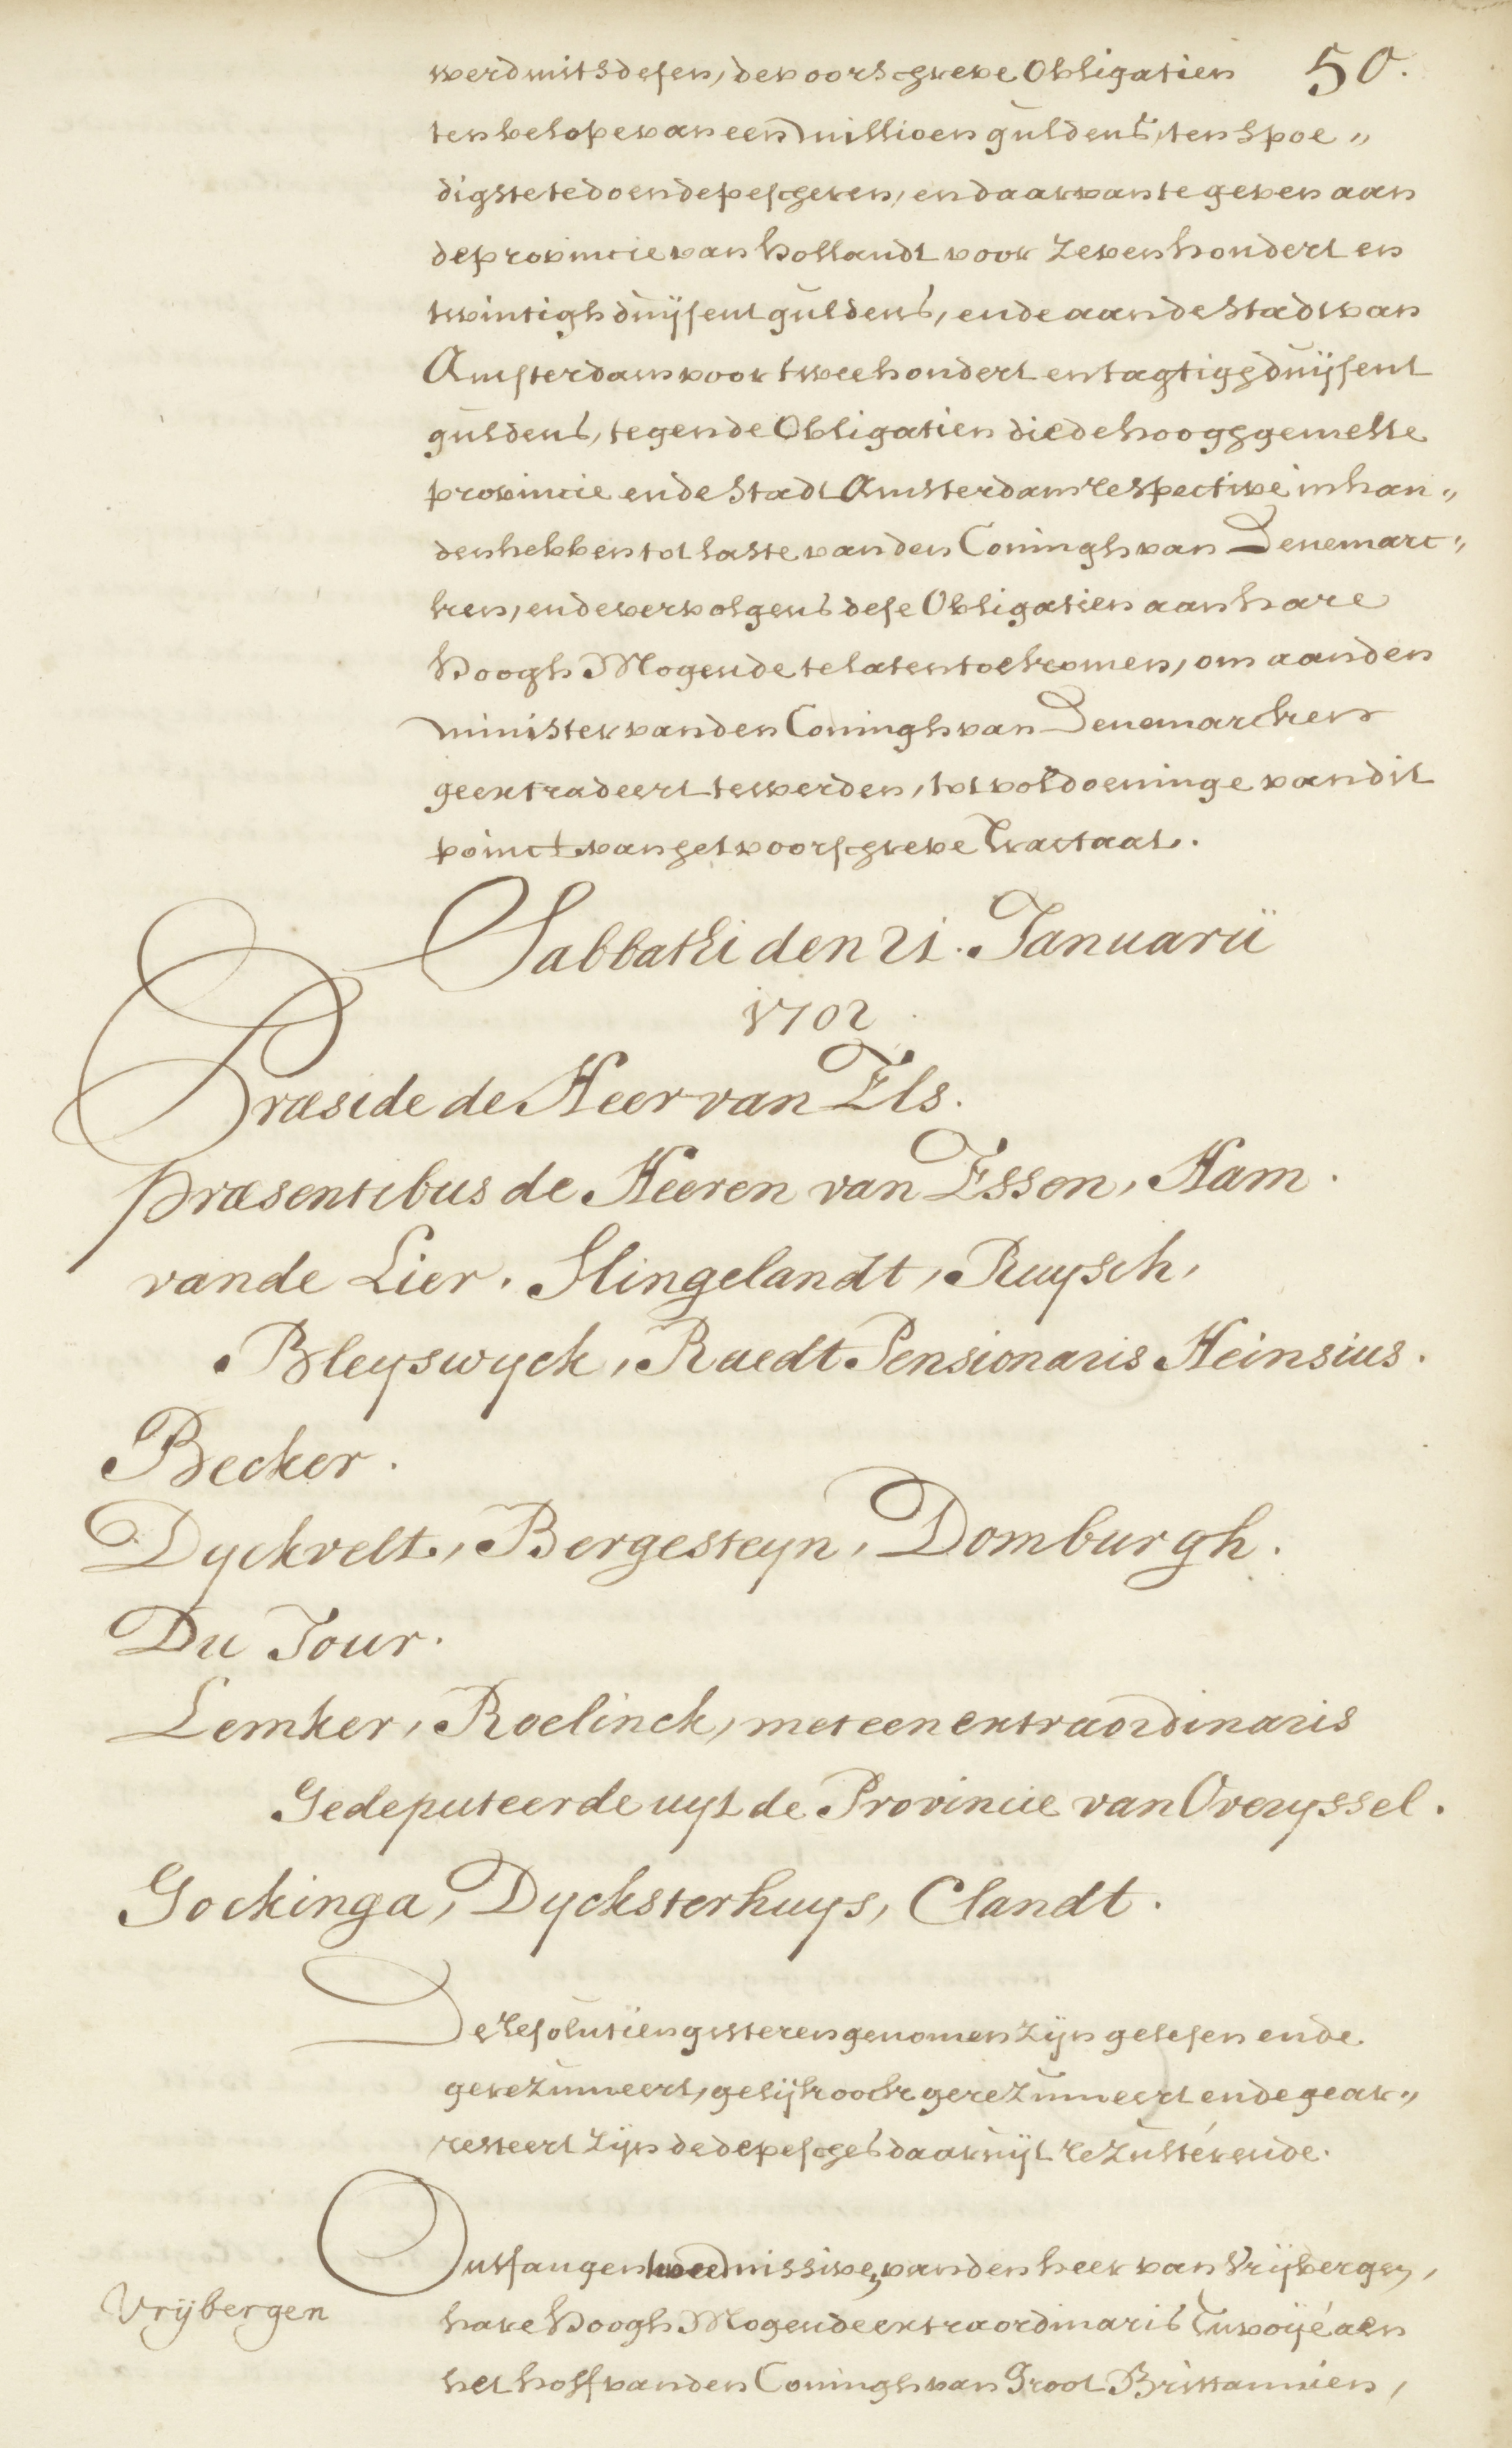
50.
werd mits desen, de voorschreve Obligatien
ten belope van een millioen guldens, ten spoe„
digste te doen depescheren, en daarvan te geven aan
de provincie van Hollandt voor zevenhondert en
twintighduijsent guldens, ende aan de stad van
Amsterdam voor tweehondert en tagtighduijsent
guldens, tegen de Obligatien die de hooghgemelte
provincie ende stadt Amsterdam respective in han„
den hebbben tot laste van den Coningh van Denemarc„
ken, ende vervolgens dese Obligatien aan hare
Hoogh Mogende te laten toekomen, om aanden
minister vanden Coningh van Denemarcken
geextradeert te werden, tot voldoeninge van dit
poinct van het voorschreve Tractaat.
Sabbathi den 21. Januarii
1702
Præside de Heer van Els.
Præsentibus de Heeren van Essen, Ham
vande Lier, Slingelandt, Ruysch,
Bleyswyck, Raedt Pensionaris Heinsius,
Becker.
Dijckvelt, Bergesteijn, Domburgh.
Du Tour.
Lemker, Roelinck, met eenextraordinaris
Gedeputeerde uijt de Provincie van Overijssel.
Gockinga, Dijcksterhuys, Clandt.
De resolutien gisteren genomen zijn gelesen ende
gerezumeert, gelijk oock gerezumeert ende gear„
resteert zijn de depesches daaruijt rezulterende
Vrijbergen
Ontfangen twee missiven van den heer van Vijbergen,
hare Hoogh Mogende extraordinaris Envoijé aen
het hoff vanden Coningh van Groot Brittannien,
